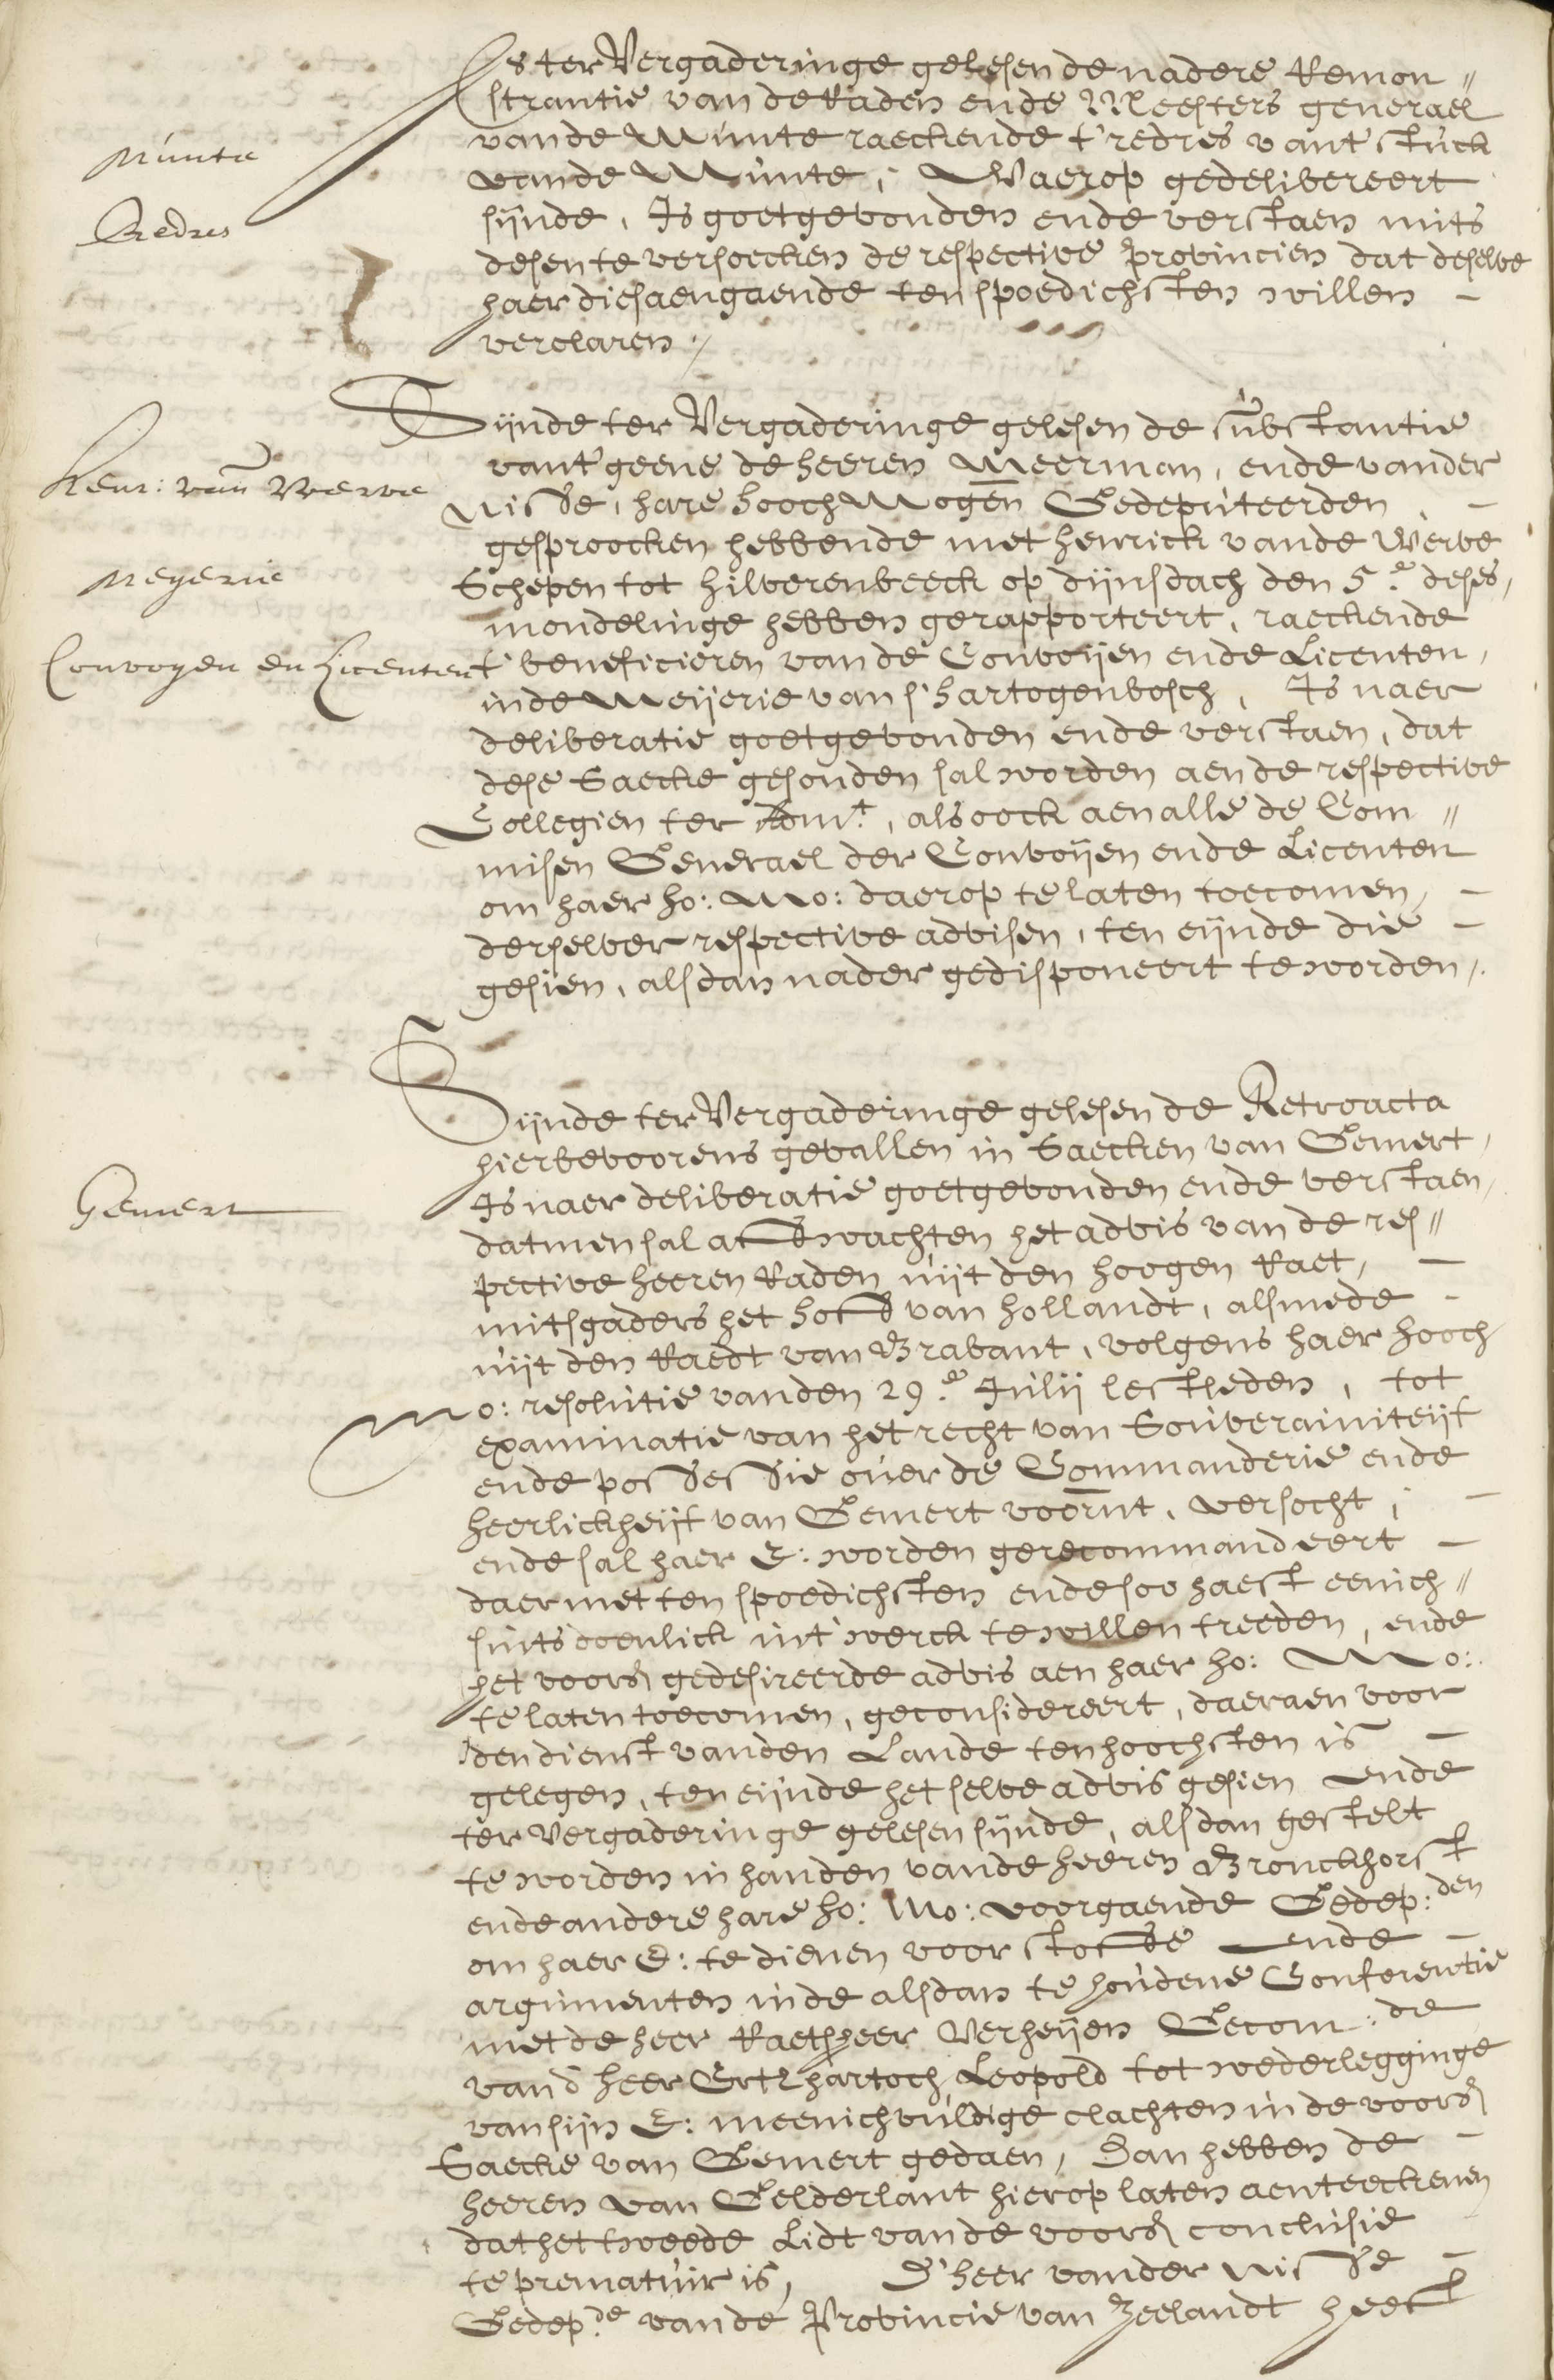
Munte
Redres
Is ter Vergaderinge gelesen de nadere Remon„
strantie van de Raden ende Meesters generael
vande Munte raeckende t'redres vant' stuck
vande Munte; Waerop gedelibereert
sijnde, Is goetgevonden ende verstaen mits
desen te versoecken de respective provincien dat deselve
haer diesaengaende ten spoedichsten willen -
verclaren.
Henr: van Werve
Meyerie
Convoyen en Licenten
Sijnde ter Vergaderinge gelesen de substantie
vant' geene de heeren Meerman, ende vander
Witte, hare hooch Mogen Gedeputeerden,
gesproocken hebbende met henrick vande Werve
Schepen tot hilverenbeeck op dijnsdach den 5e. deses,
mondelinge hebben gerapporteert, raeckende
t' beneficieren van de Convoijen ende Licenten,
inde Meijerie van s'hartogenbosch. Is naer
deliberatie goetgevonden ende verstaen, dat
dese Saecke gesonden sal worden aen de respective
Collegien ter Admt., als oock aen alle de Com„
misen Generael der Convoijen ende Licenten
om haer ho:Mo: daerop te laten toecomen,
derselver respective advisen, ten eijnde die -
gesien, alsdan nader gedisponeert te worden.
Gemert
Sijnde ter Vergaderinge gelesen de Retroacta
hierbevoorens gevallen in Saecken van Gemert.
Is naer deliberatie goetgevonden ende verstaen,
datmen sal affwachten het advis van de res„
pective heeren Raden uijt den hoogen Raet,
mitsgaders het hoff van hollandt, alsmede -
uijt den Raedt van Brabant, volgens haer hooch
Mo: resolutie van den 29e. Julij lestleden, tot
examinatie van het recht van Souverainiteijt
ende possessie ouer de Commanderie ende
heerlickheijt van Gemert voornt, versocht,
ende sal haer E: worden gerecommandeert
daer met ten spoedichsten ende soo haest eenich„
sints doenlick int' werck te willen treeden, ende
het voors gedesireerde advis aen haer ho:Mo:
te laten toecomen, geconsidereert, daeraen voor
den dienst vanden Lande ten hoochsten is
gelegen, ten eijnde het selve advis gesien ende
ter Vergaderinge gelesen sijnde, alsdan gestelt
te worden in handen vande heeren Bronckhorst
ende andere hare ho:Mo: voorgaende Gedepden:
om haer E: te dienen voor stoffe ende
argumenten inde alsdan te houdene Conferentie
met de heer Raetsheer Verheijen Gecomde:
van d'heer Ertlzhartoch Leopold tot wederlegginge
van sijn E: meenichvuldige clachten in de voors
Saecke van Gemert gedaen. Dan hebben de -
heeren van Gelderlant hierop laten aenteeckenen
dat het tweede Lidt van de voors conclusie
te prematuir is. D'heer vander Nisse
Gedepde. van de Provincie van Zeelandt heeft
